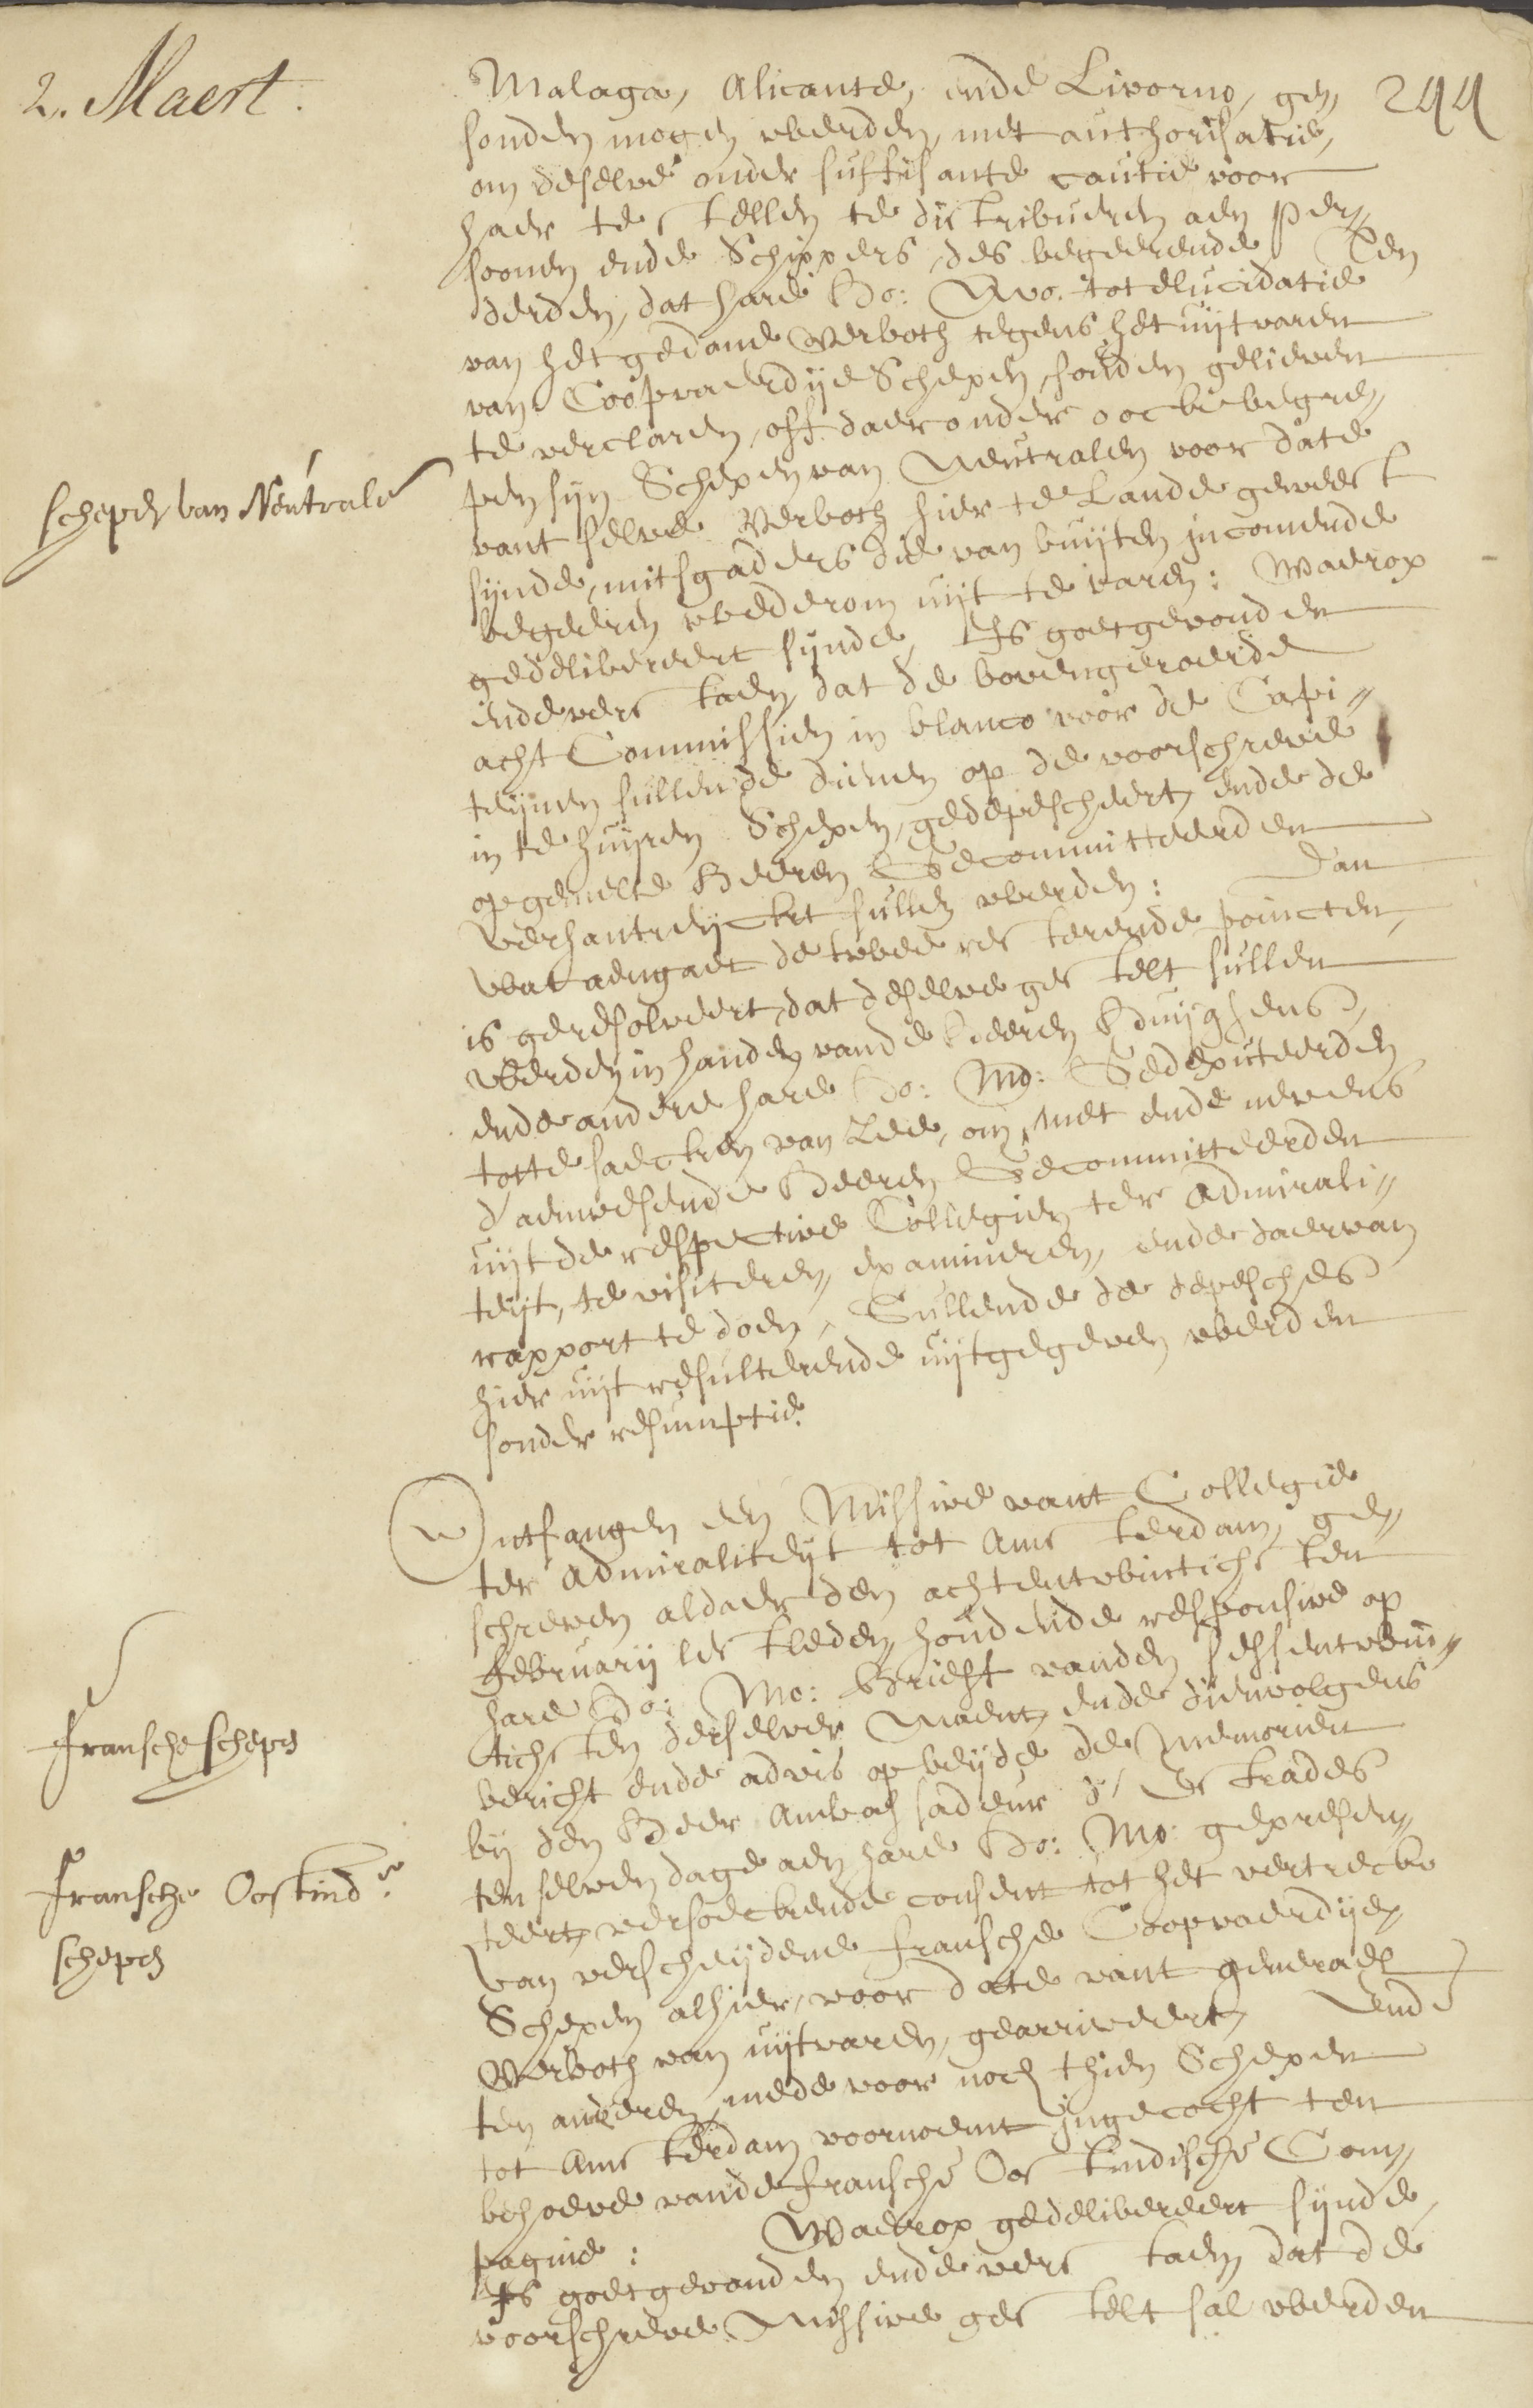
244
2. Maert.
schepen van Neutrale
Malaga, Alicante, ende Livorno, ge„
sonden mogen werden, met authorisatie,
om deselve onder suffisante cautie voor
haer te stellen te distribueren aen Per„
soonen ende Schippers, des begeerende, Ten
derden, dat hare Ho:Mo: tot elucidatie
van het gedane Verboth tegens het uijtvaren
van Coopvaerdije Schepen, souden gelieven
te verclaren, oft daeronder oock begre„
pen sijn Schepen van neutralen voor date
vant selve Verboth hier te Lande geweest
sijnde, mitsgaders die van buijten incomende
begeeren wederom uijt te varen: Waerop
gedelibereert sijnde, Is goetgevonden
ende verstaen, dat de bovengeroerde
acht Commissien in blanco voor de Capi„
teijnen sullende dienen op de voorschreve
in te huijren Schepen, gedepescheert, ende de
opgemelte Heeren Gecommitteerden
verhantreijckt sullen werden: Dan
wat aengaet de twee resterende poincten,
is geresolveert, dat deselve gestelt sullen
werden in handen vande Heeren Huijghens,
ende andere hare Ho:Mo: Gedeputeerden
totte saecken van Zee, om met ende nevens
d‛aenwesende Heeren Gecommitteerden
uijt de respective Collegien ter Admirali„
teijt, te visiteren, examineren, ende daervan
rapport te doen. Sullende de depesches
hier uijt resulterende uijtgegeven werden
sonder resumptie.
Fransche schepen
Fransche Oostinde.
schepen
Ontfangen een Missive vant Collegie
ter Admiraliteijt tot Amsterdam, ge„
schreven aldaer den achtentwintichsten
februarij lestleden, houdende responsive op
hare Ho:Mo: Brieff vanden sessentwin„
tichsten derselver maent, ende dienvolgens
bericht ende advis op beijde de memorien
bij den Heer Ambassadeur d‛ Estrades
ten selven dage aen hare Ho:Mo: gepresen„
teert, versoeckende consent tot het vertreck
van verscheijdene fransche Coopvaerdije„
Schepen alhier, voor date vant generael
Verboth van uijtvaren, gearriveert. Ende
ten anderen mede voor noch thien Schepen
tot Amsterdam voornoemt ingecocht ten
behoeve vande fransche Oostindische Com„
pagnie: Waerop gedelibereert sijnde,
Is goetgevonden ende verstaen, dat de
voorschreve Missive gestelt sal werden
